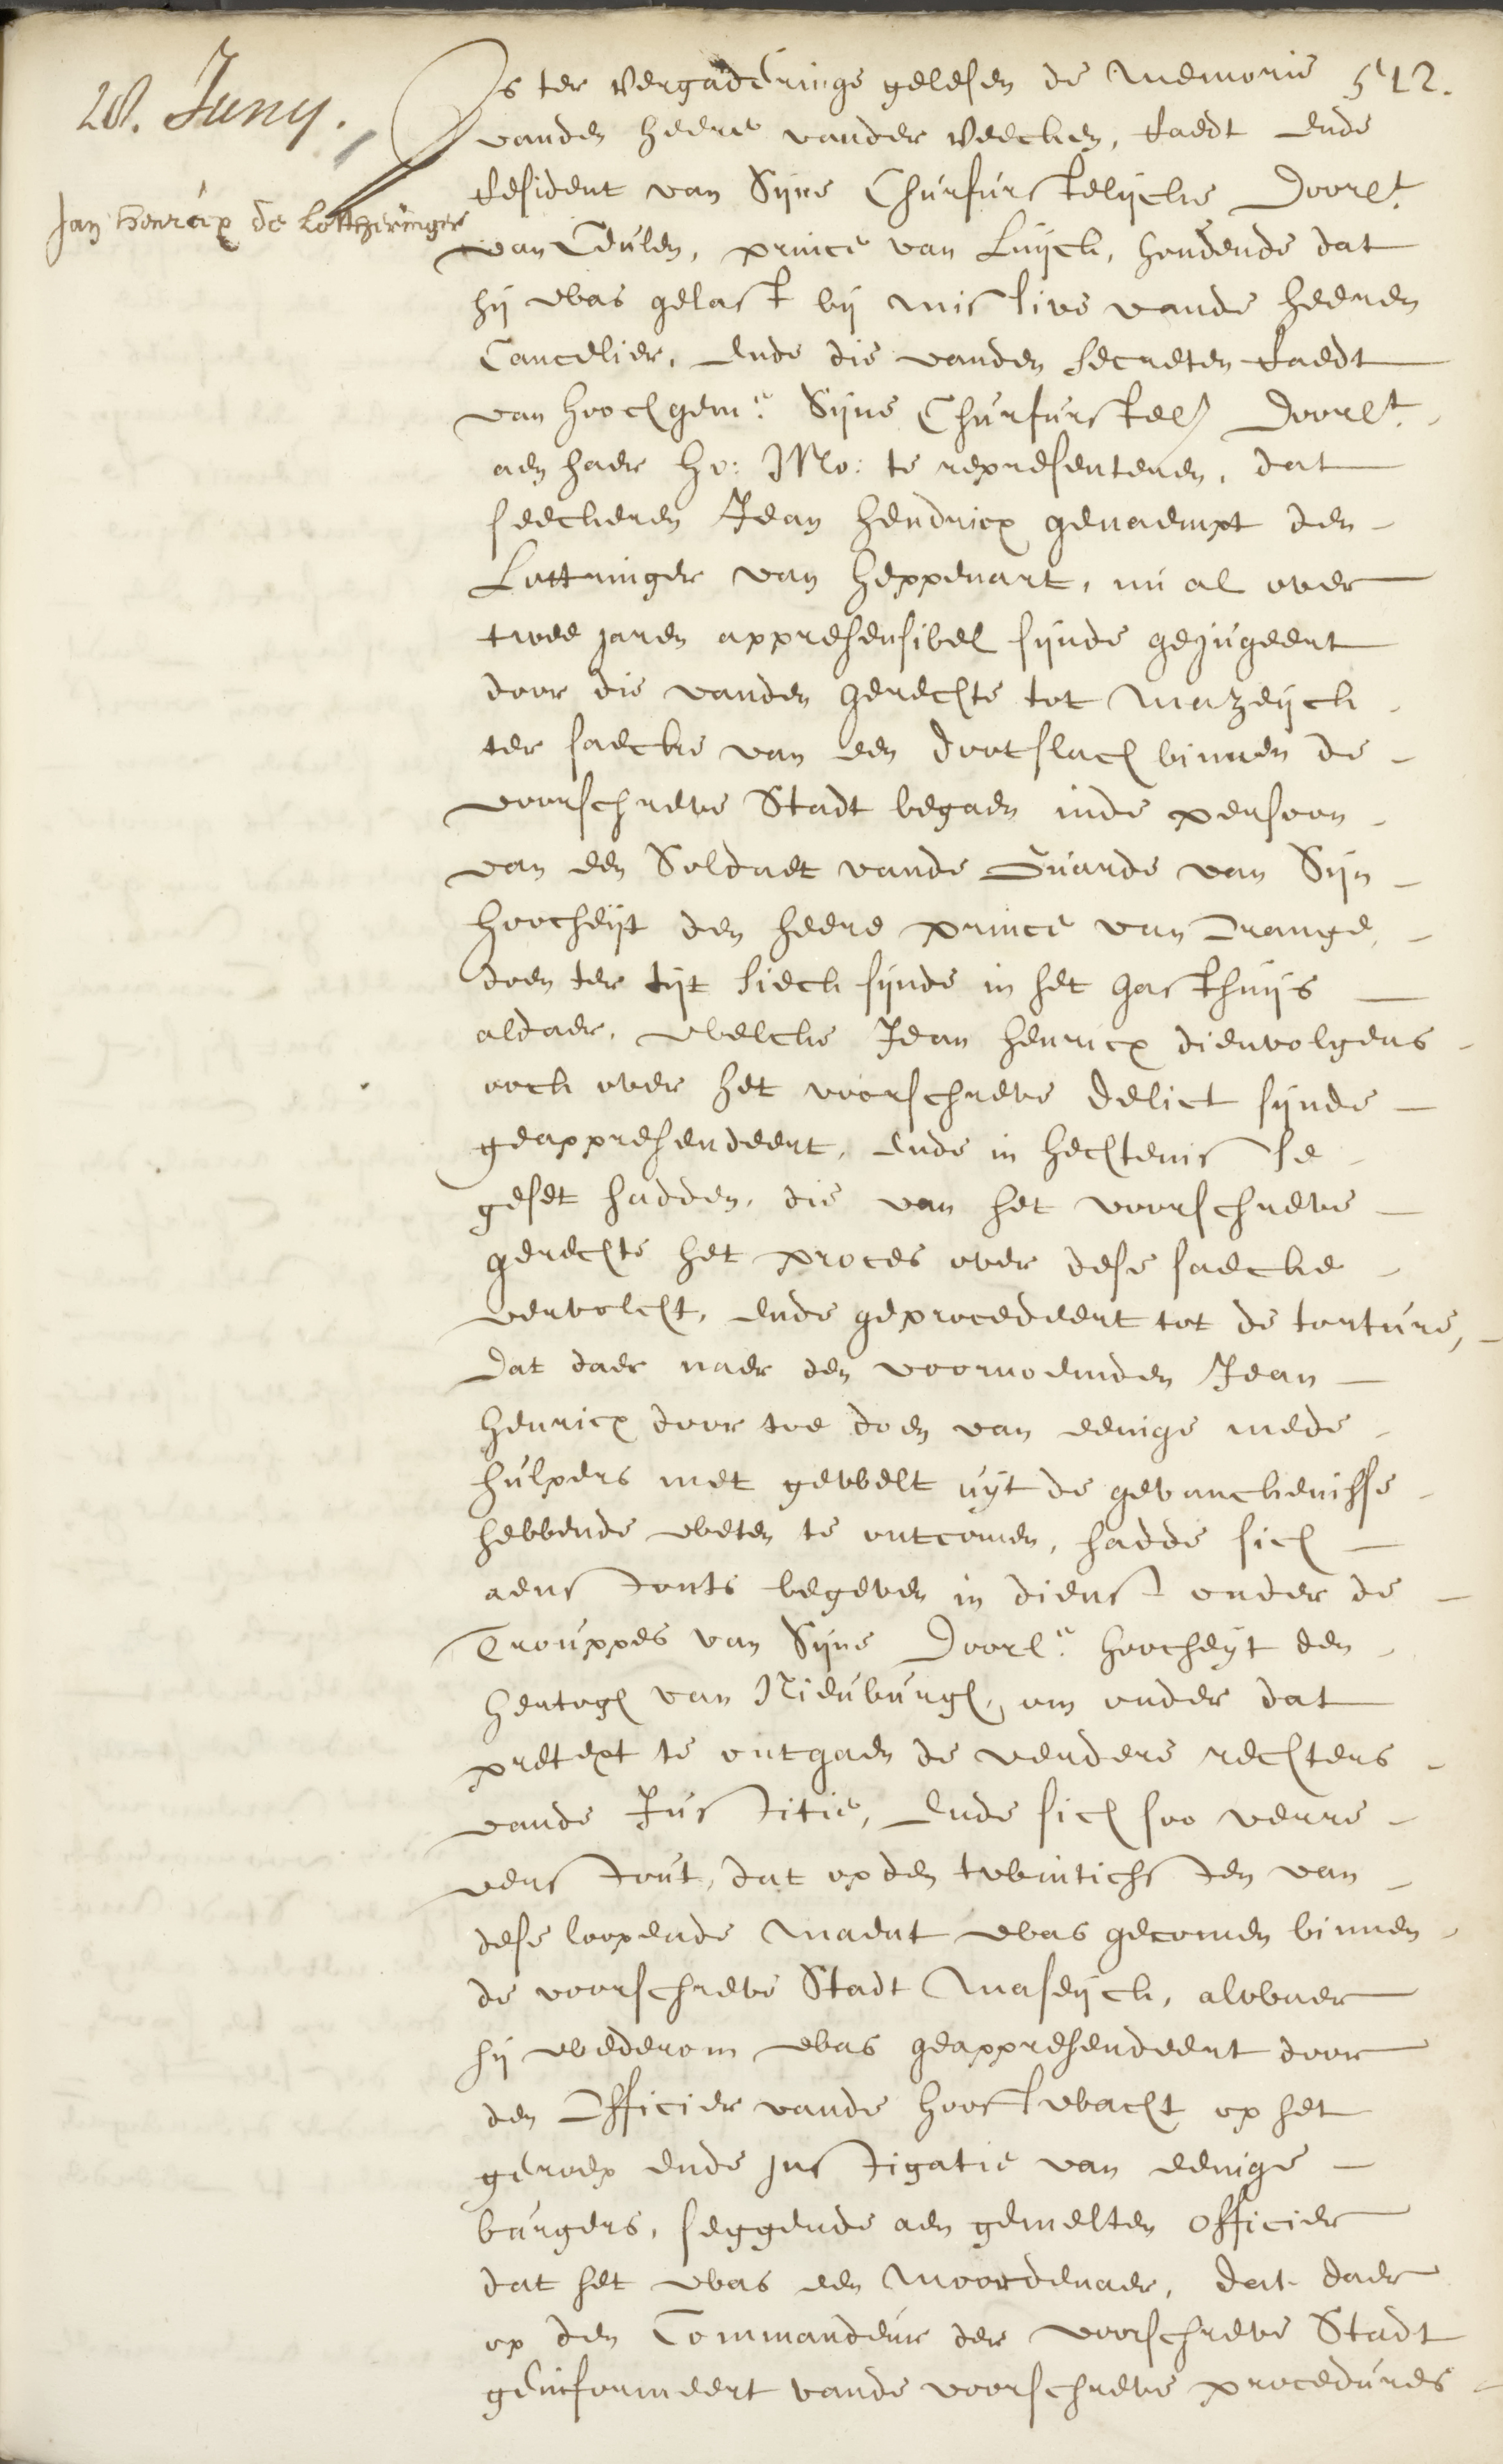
512.
28. Juny.
Jan Henricx de Lottheringer
Is ter Vergaderinge gelesen de memorie
vanden heere vander Veecken, Raedt ende
Resident van Sijne Churfurstelijcke Doorlt.
van Ceulen, prince van Luijck, houdende dat
hij was gelast bij missive vande heeren
Cancelier, ende die vanden Secreten Raedt
van hoochgeme. Sijne Churfurstel Doorlt.
aen haer Ho:Mo: te representeren, dat
seeckeren Jean Hendricx genaempt den
Lottringer van Heppenart, nu al over
twee jaren apprehensibel sijnde gejugeert
door die vanden gerechte tot Mazeijck
ter saecke van een dootslach binnen de
voorschreve Stadt begaen inde persoon
van een soldaet vande Guarde van Sijn
hoocheijt den heere prince van Orange,
doen ter tijt sieck sijnde in het gasthuijs
aldaer, welcke Jean henricx dienvolgens
oock over het voorschreve delict sijnde
geapprehendeert, ende in hechtenisse
geset hadden, die van het voorschreve
gerechte het proces over dese saecke
vervolcht, ende geprocedeert tot de torture,
dat daer naer den voornoemden Jean
henricx door toe doen van eenige mede
hulpers met gewelt uijt de gevanckenisse
hebbende weten te ontcomen, hadde sich
aenstonts begeven in dienst onder de
Trouppes van Sijne Doorle. hoocheijt den
hertogh van Nieuburgh, om onder dat
pretext te ontgaen de verdere rechters
vande Justitie, ende sich soo verre -
verstout, dat opden twintichsten van
dese loopende maent was gecomen binnen
de voorschreve Stadt Maseijck, alwaer
hij wederom was geapprehendeert door
den Officier vande hooftwacht op het
geroep ende instigatie van eenige
burgers, seggende aen gemelten officier
dat het was een moordenaer, dat daer
op den Commandeur der voorschreve Stadt
geinformeert vande voorschreve procedures
